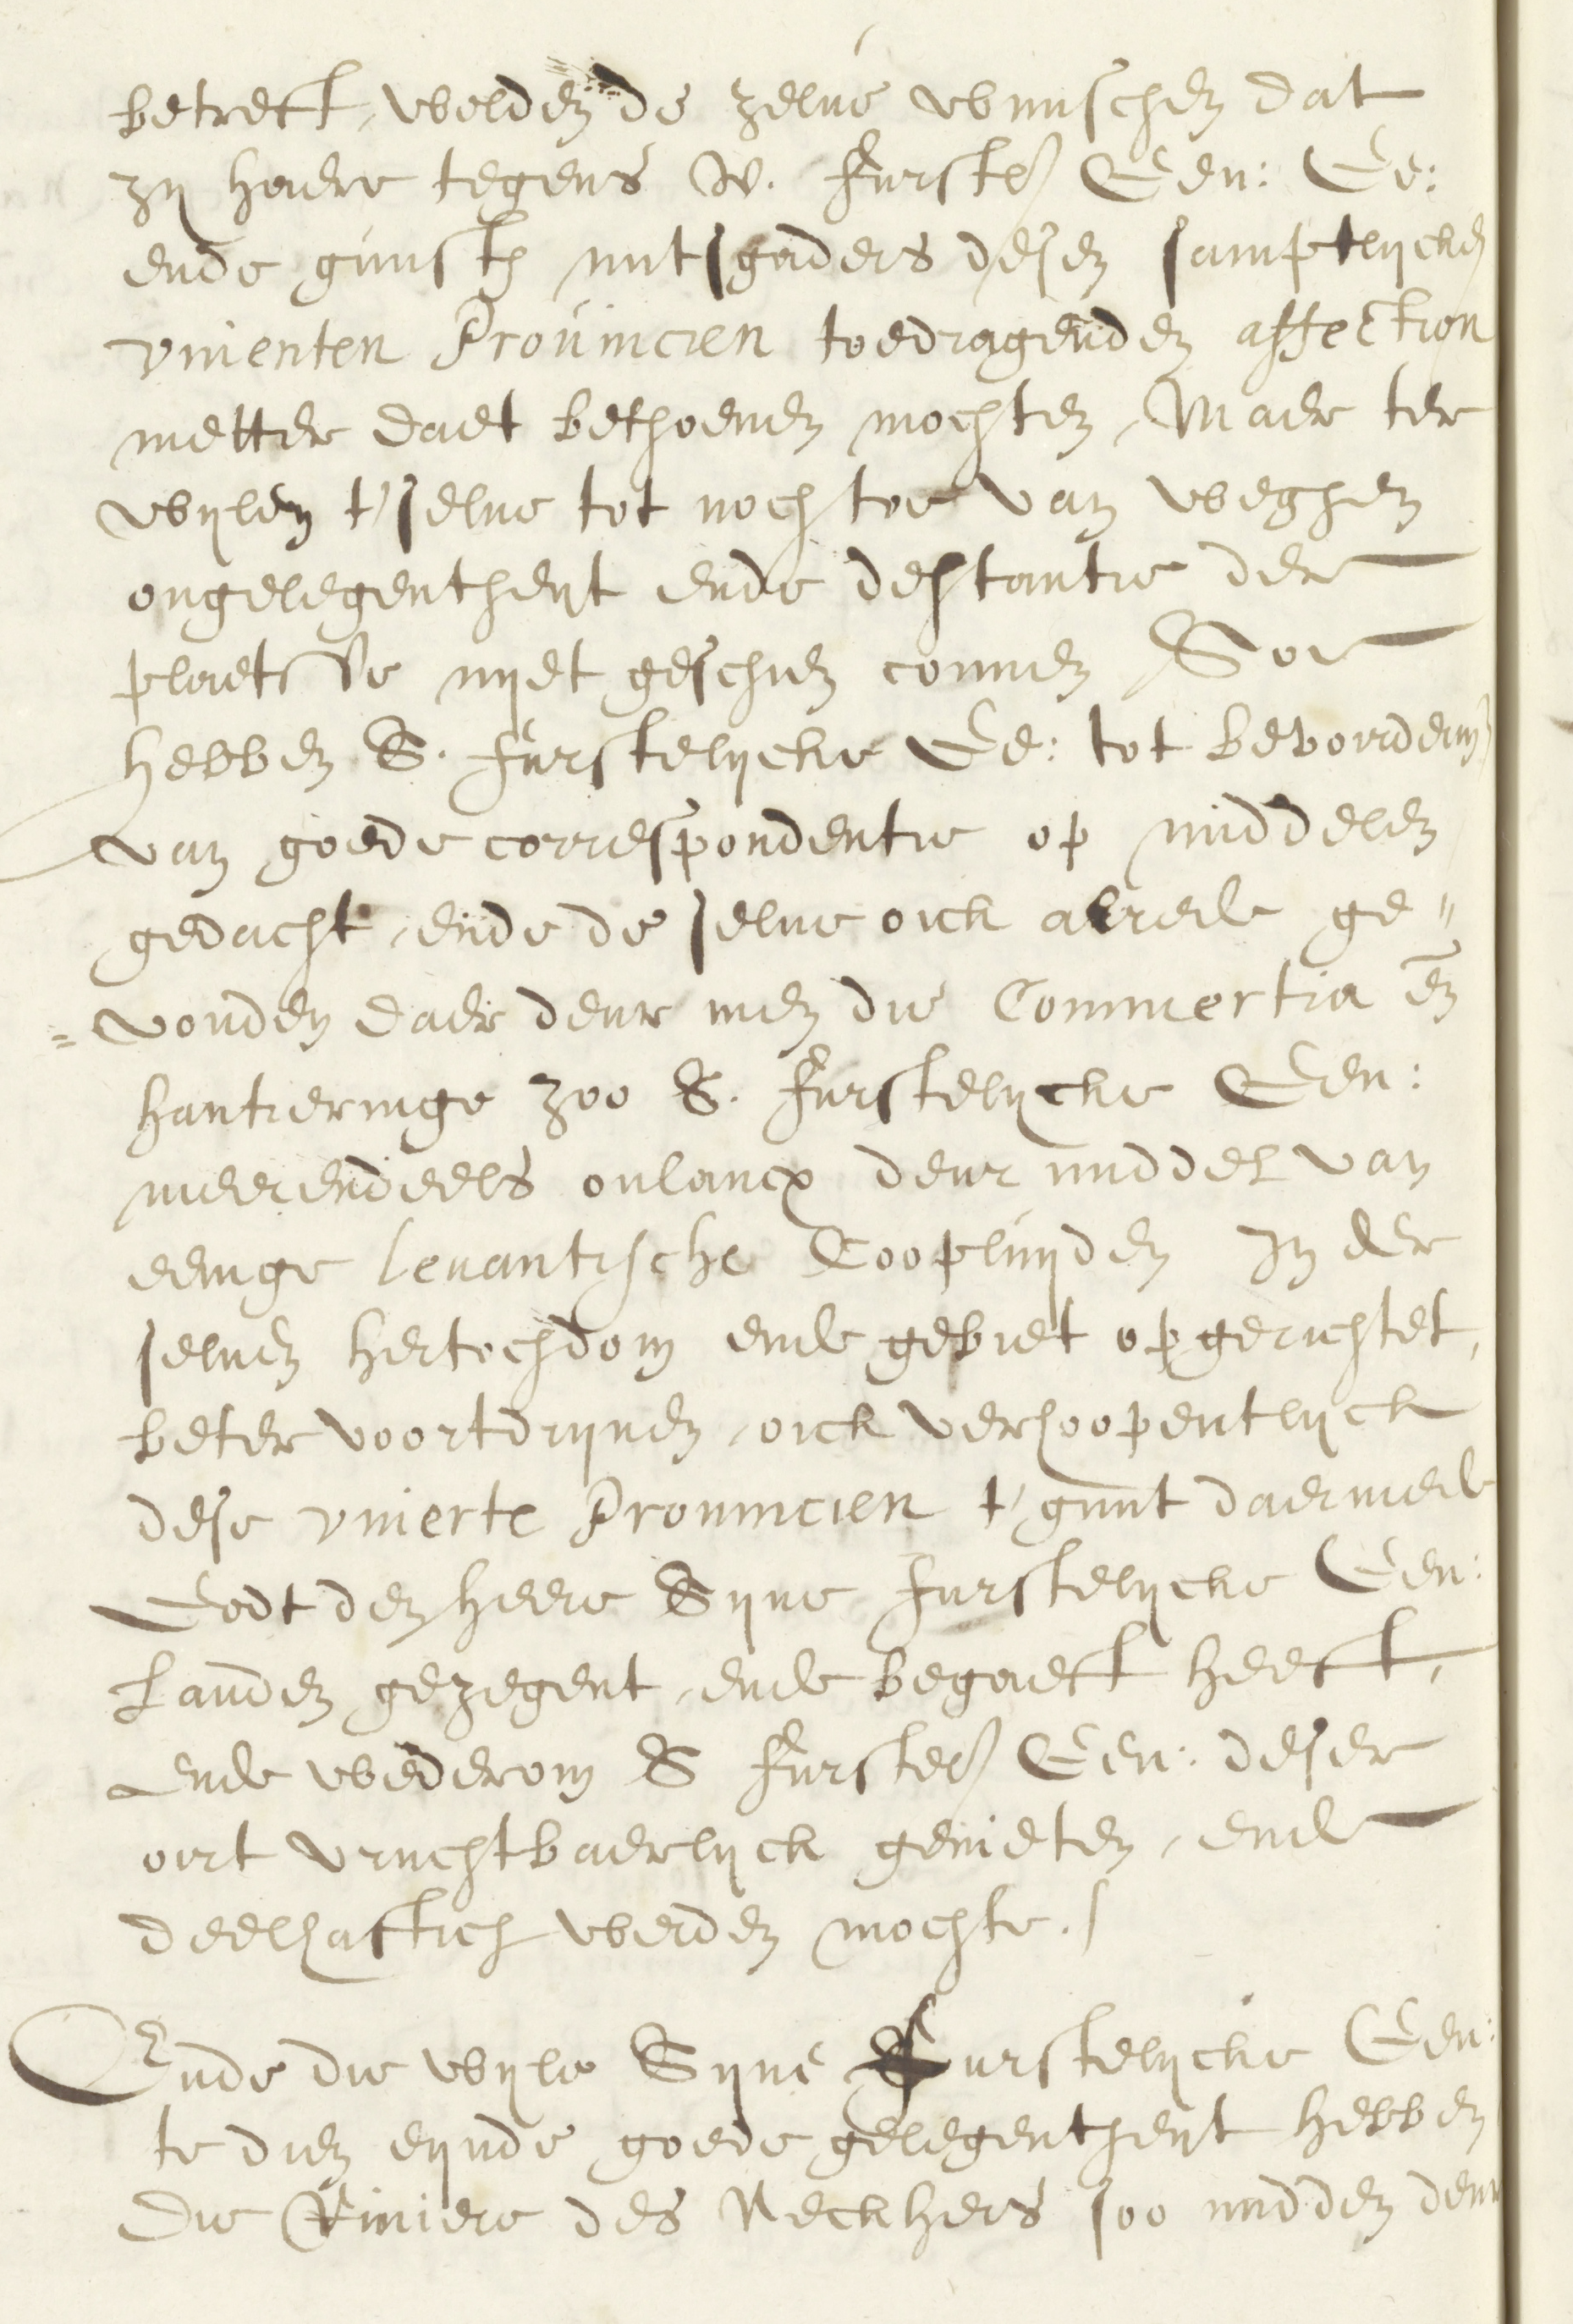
betreft, wolden de zelue wunschen dat
zy haere tegens U. furstel Gen: Ge:
ende gunsten mitsgaders desen samptlycken
vrienten Prouincien, toedragenden affectien
metter daet bethoenen mochten, maer ter
wylen t‛selue tot noch toe van weghen
ongelegentheyt ende destantie der
plaetsse nyet geschien connen Soe
hebben S. furstelycke Ge: tot bevoirderen
van goede correspondentie op middelen
gedacht, ende de selue oick alrede ge„
vonden daer deur men die Commertia en
hantieringe zoo S. furstelycke Gen:
meerendeels onlancx deur middel van
eenige Leuantische Coopluyden In der
seluen hertochdom ende gebiet opgerichtet
beter voortdryuen, oick verhoopentlijck
dese vnierte prouincien t'gunt daermede
Godt den heere Syne furstelycke Gen:
Landen gezegent, ende begaeft heeft,
ende wederom S Furstel Gen: deser
oirt vruchtbaerlyck genieten, ende
deellastich werden mochte.
Ende die wyle Syne Furstelycke Gen:
te dien eynde goede gelegentheyt hebben
die Riuiere des Neckhers soo midden den
